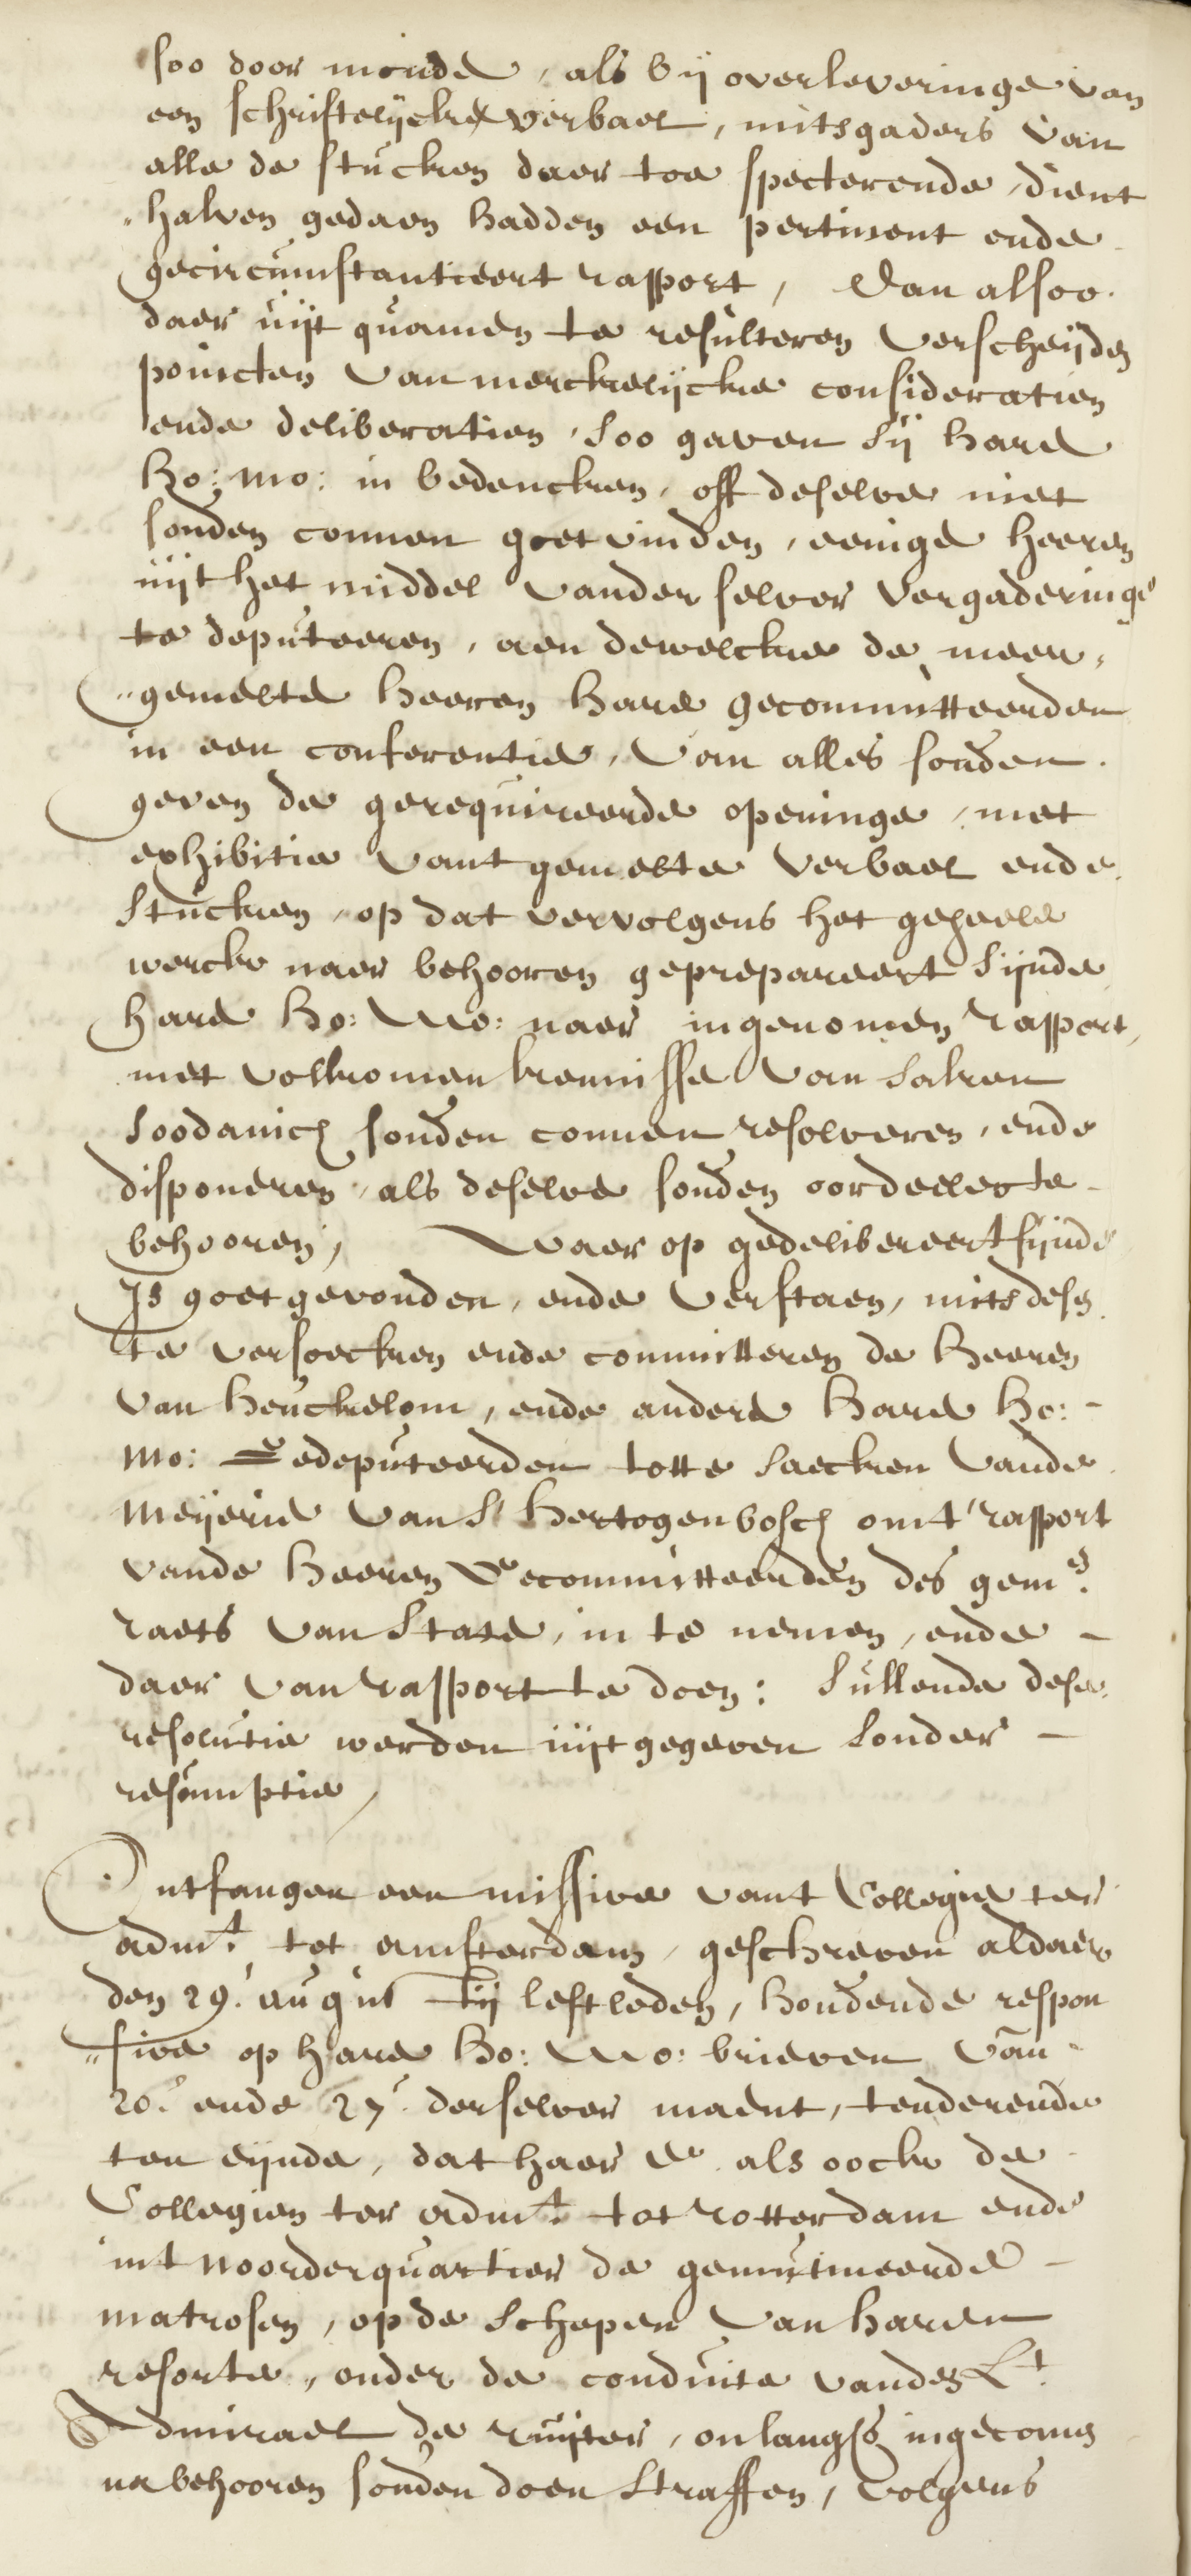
soo door monde, als bij overleveringe van
een schriftelijcke verbael, mitsgaders van
alle de stucken daer toe specterende, dient
halven gedaen hadden een pertinent ende
gecircumstantieert rapport. Dan alsoo
daer uijt quamen te resulteren verscheijden
poincten van merckelijcke consideratien
ende deliberatien, soo gaven sij hare
Ho:Mo: in bedencken, off deselve niet
souden connen goetvinden, eenige heeren
uijt het middel vander selver vergaderinge
te deputeeren, aen dewelcke de meer,,
,,gemelte heeren hare gecommitteerden
in een conferentie, van alles souden
geven de gerequireerde openinge, met
exhibitie vant gemelte verbael ende
stucken, op dat vervolgens het geheele
werck naer behooren geprepareert sijnde
hare Ho:Mo: naer ingenomen rapport
met volkomen kennisse van saken
soodanich souden connen resolveren, ende
disponeren, als deselve souden oordeelen te
behooren; Waer op gedelibereert sijnde
Is goetgevonden, ende verstaen, mits desen
te versoecken ende committeren de Heeren
van Heuckelom, ende andere Hare Ho:
Mo: Gedeputeerden totte saecken vande
Meijerie van s' Hertogenbosch om t' rapport
vande Heeren Gecommitteerden des gemen.
raets van State, in te nemen, ende —
daer van rapport te doen: Sullende dese
resolutie werden uijtgegeven sonder
resumptie.
Ontfangen een missive vant Collegie ter
admt. tot Amsterdam, geschreven aldaer
den 29. augustij lestleden, houdende respon„
,,sive op hare Ho:Mo: brieven, van
20e. ende 27e. derselver maent, tenderende
ten eijnde, dat haer E. als oock de
Collegien ter Admt. tot Rotterdam ende
int Noorderquartier de gemutineerde
matrosen, op de schepen van haren
resorte, onder de conduite vanden Lt.
Admirael de Ruijter, onlanghs ingecomen
na behooren souden doen straffen, volgens
